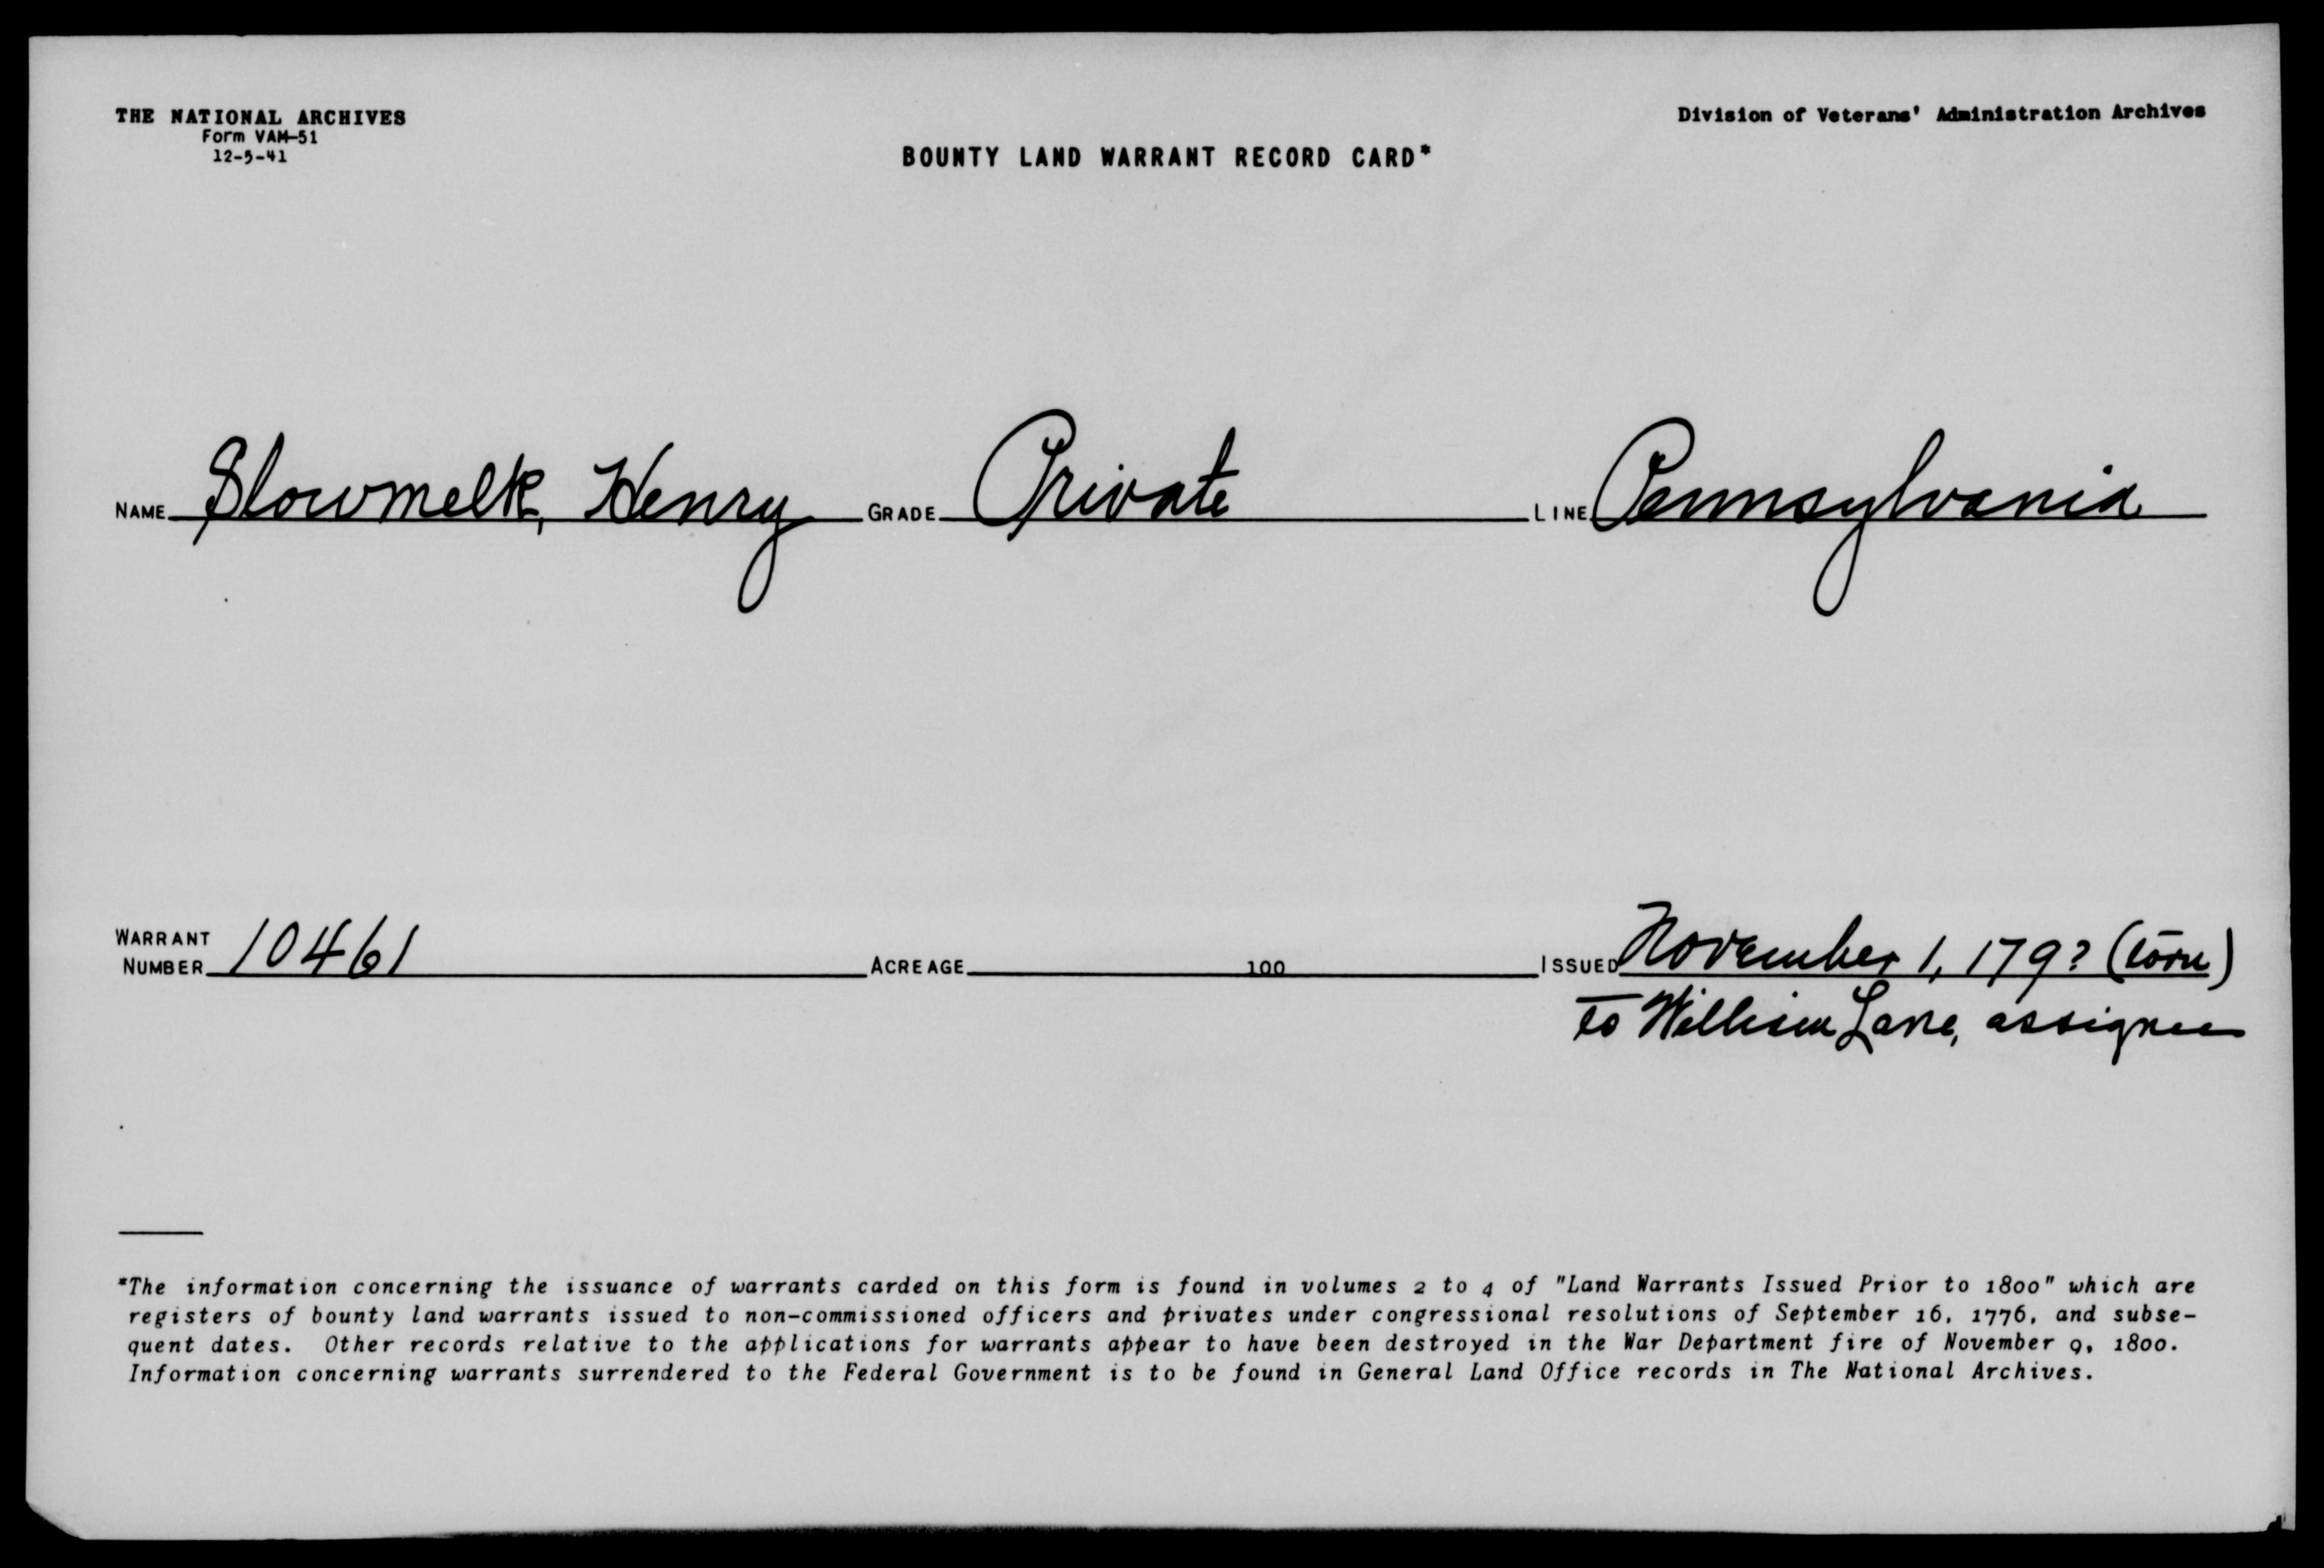THE NATIONAL ARCHIVES Form VAM-51 12-5-41 | Bounty Land Warrant Record Card* | Division of Veterans' Administration Archives

Name: Slowmelk, Henry
Grade: Private
Line: Pennsylvania

Warrant Number: 10461
Acreage: 100
Issued: November 1, 179? (torn) to William Lane, Assignee

*The information concerning the issuance of warrants carded on this form is found in volumes 2 to 4 of "Land Warrants Issued Prior to 1800" which are registers of bounty land warrants issued to non-commissioned officers and privates under congressional resolutions of September 16, 1776, and subsequent dates. Other records relative to the applications for warrants appear to have been destroyed in the War Department fire of November 9, 1800. Information concerning warrants surrendered to the Federal Government is to be found in General Land Office records in The National Archives.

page: 46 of 46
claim: widow's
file: W. 6205, for John Slover, New Jersey